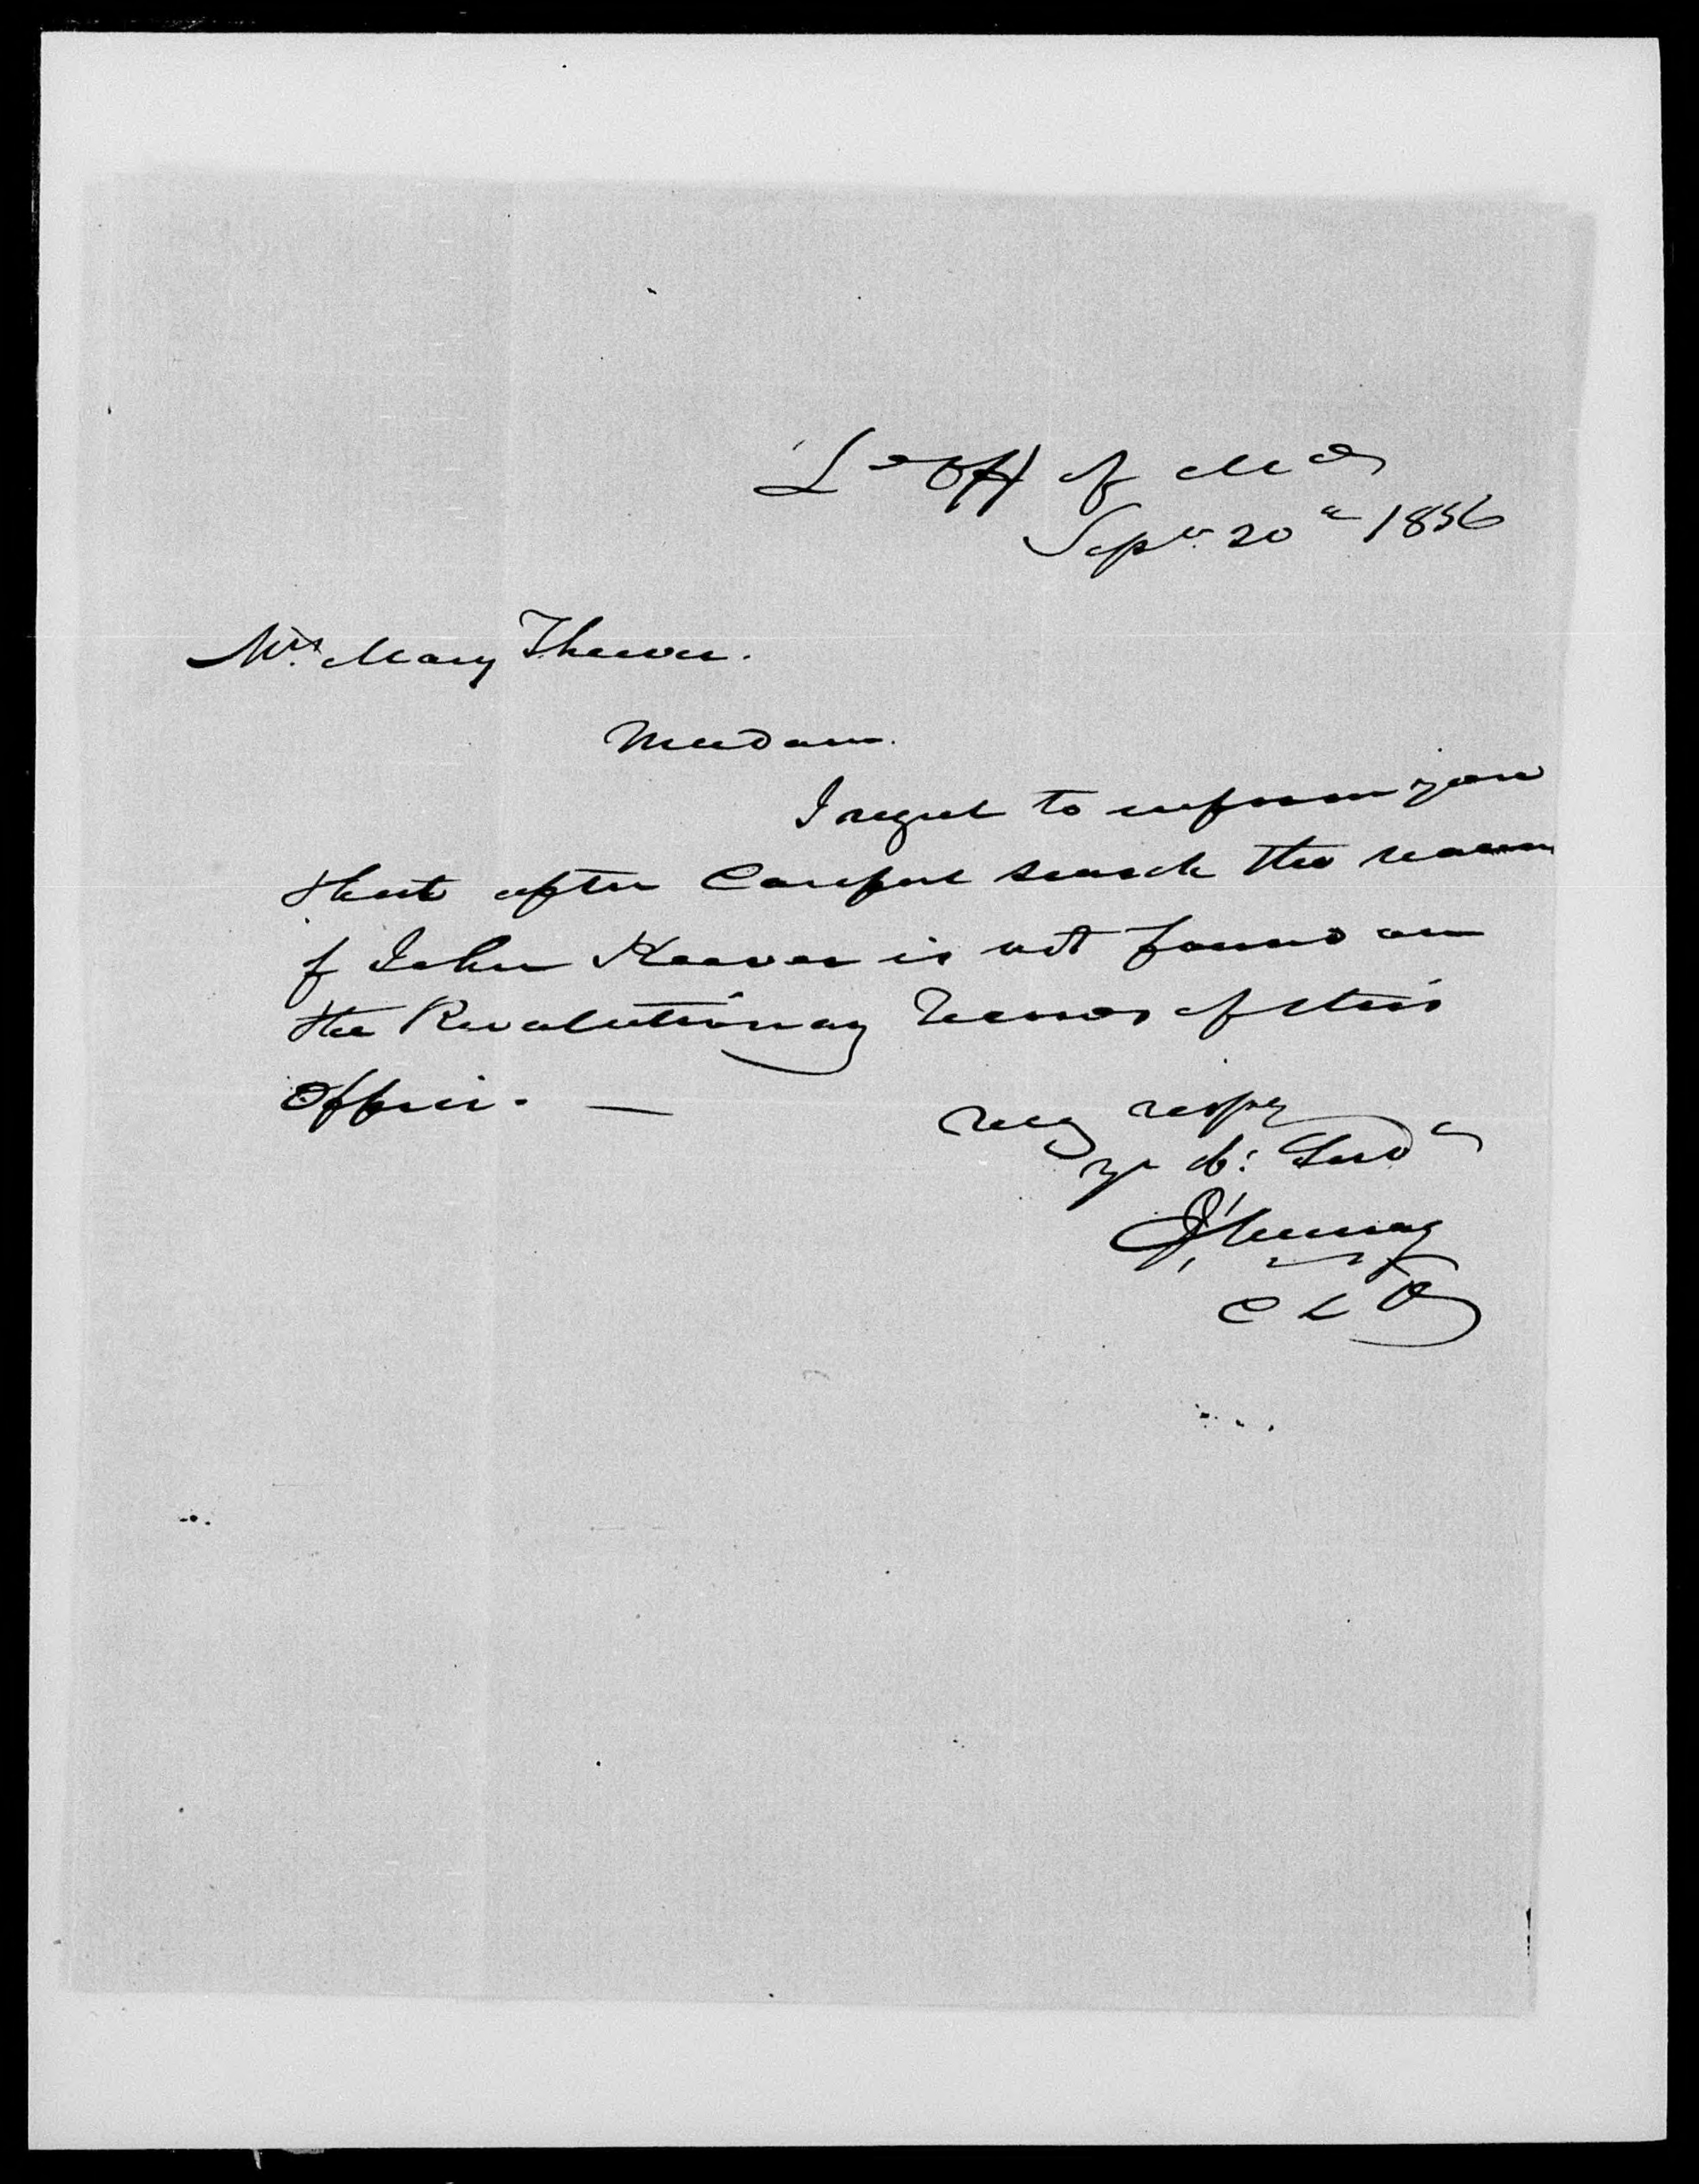Land Off of Md
Sept 20th, 1856

Mrs. Mary Keever

Madam,

I regret to inform you that after careful search the record of John Keever is not found in the Revolutionary Records of this office.

Very respectfully

Your Obedient Servant

J {illegible}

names: John Keever; Mary Keever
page: 18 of 33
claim: rejected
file: R. 5814, for John Keever, Maryland